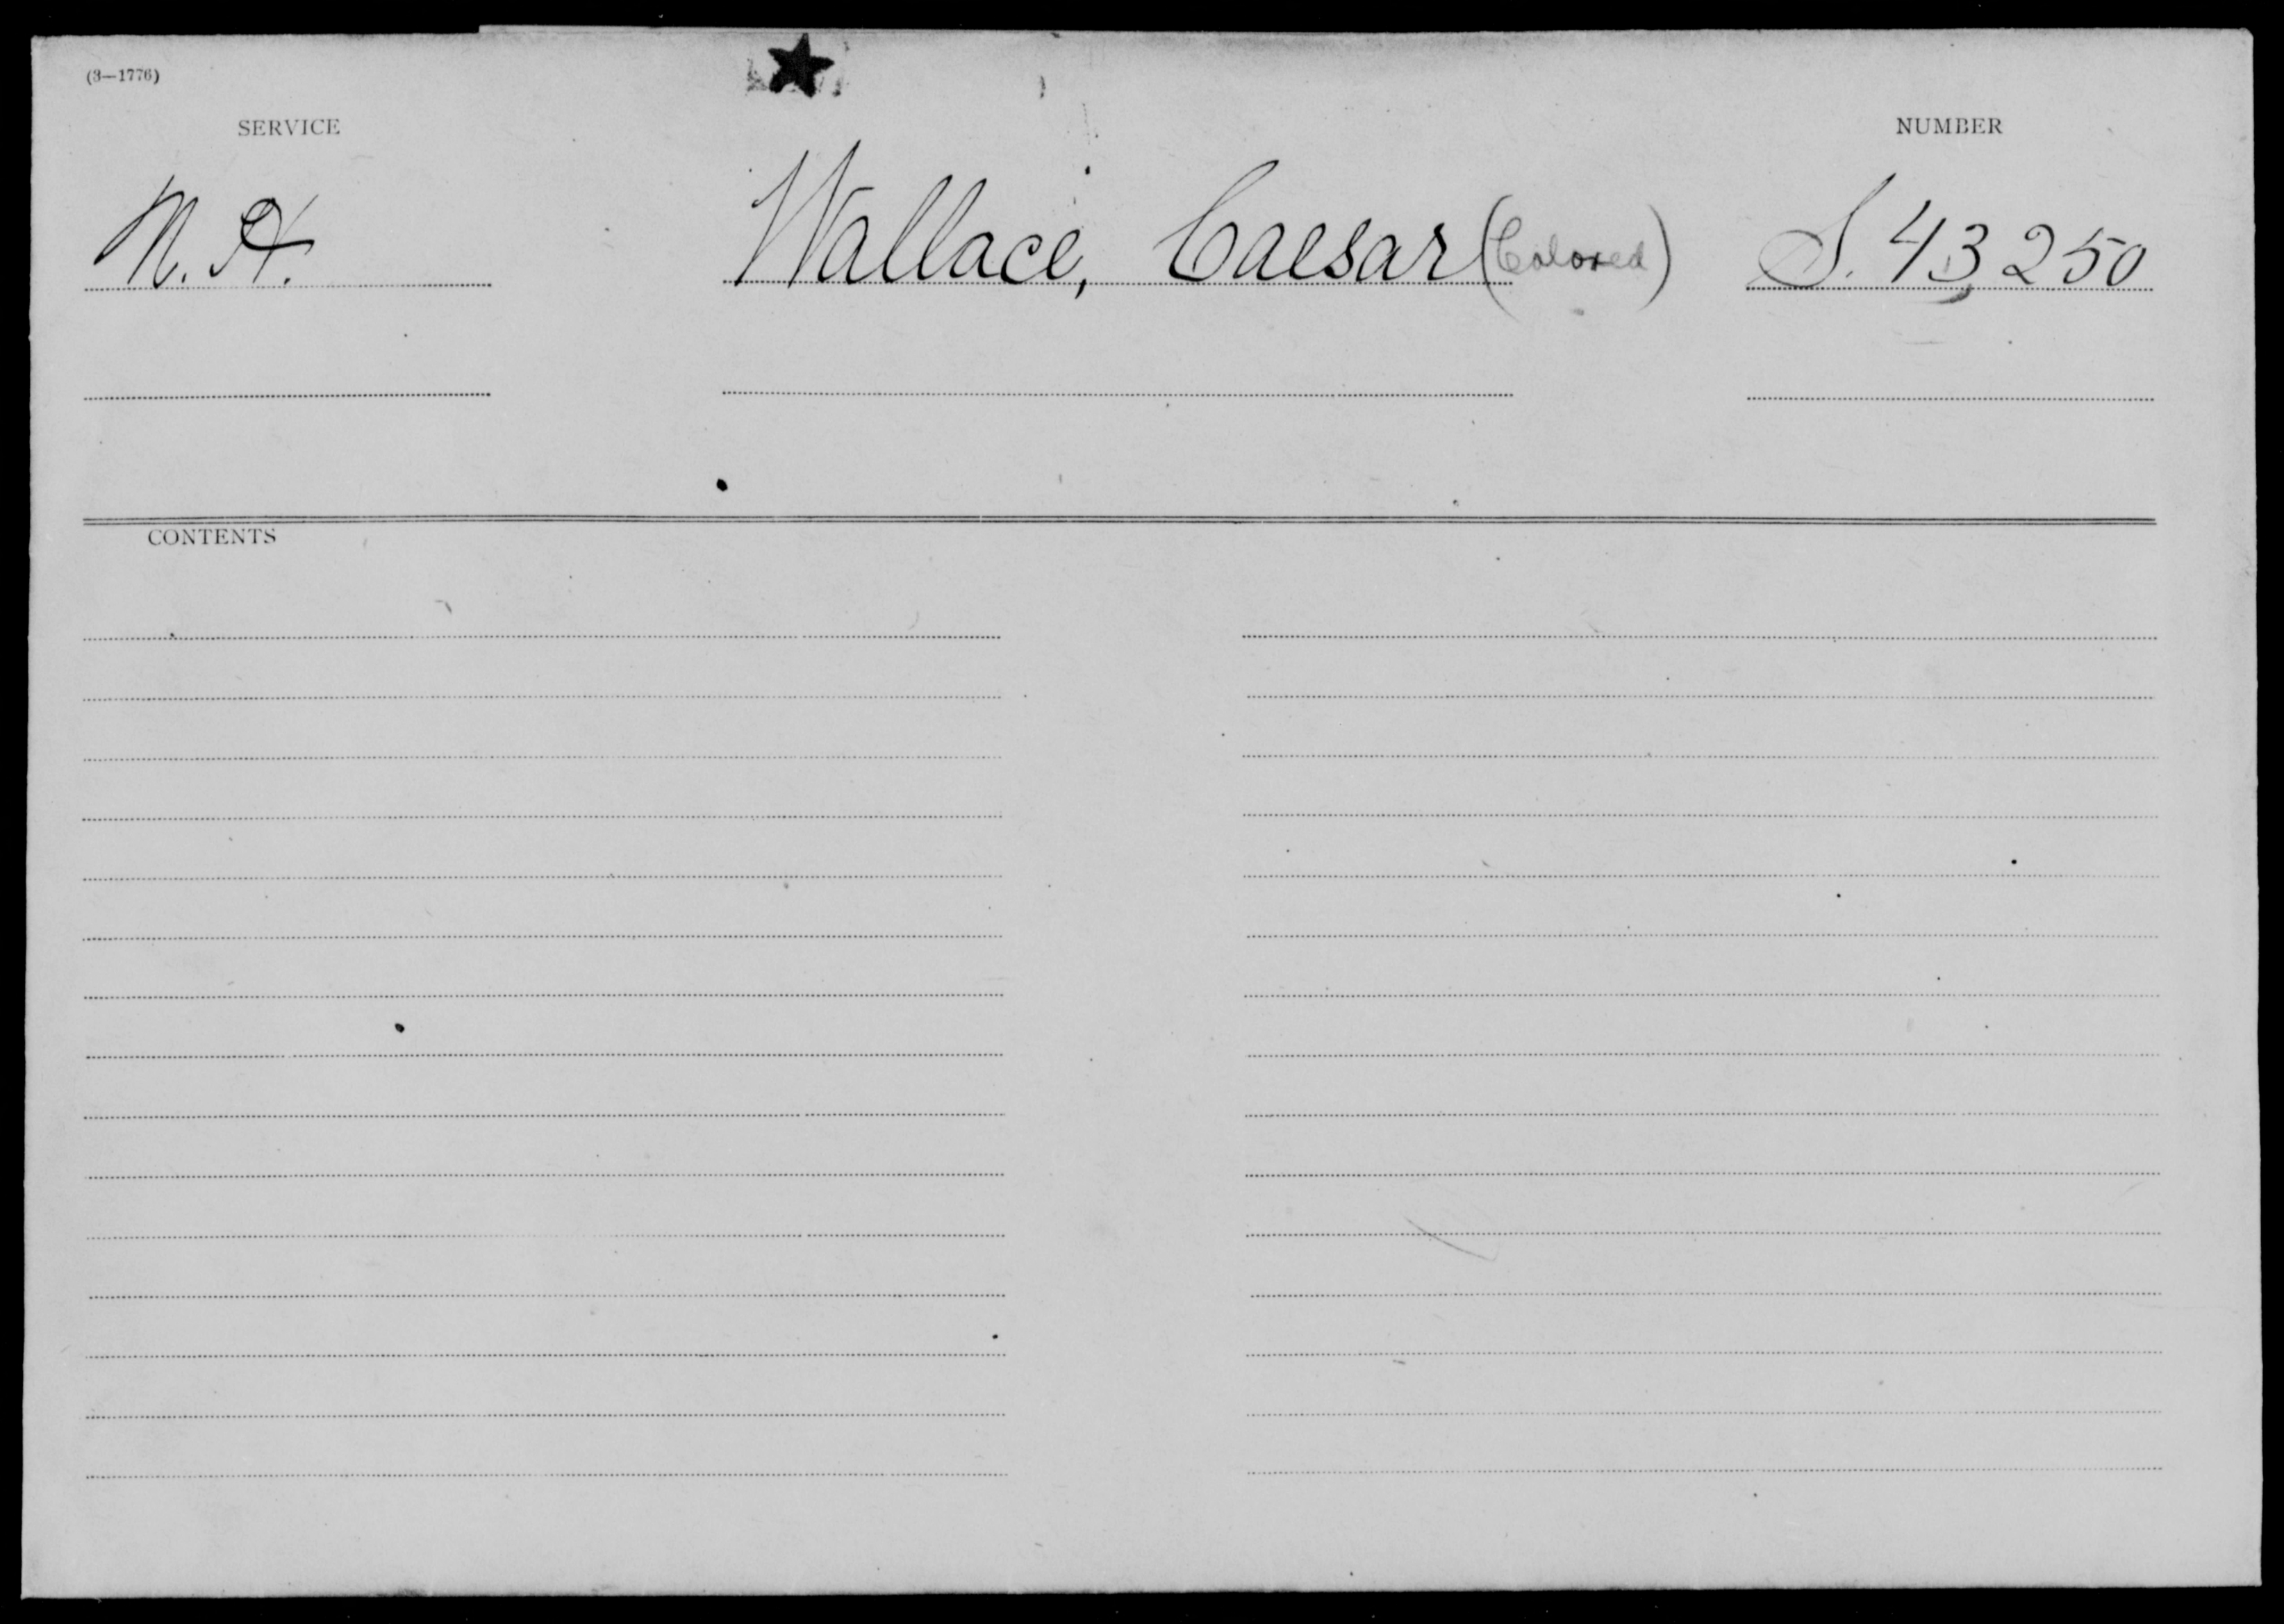(3--1776) [star-shaped stamp]

Wallace, Caesar (Colored)

SERVICE
N.H.

NUMBER
S. 43,250

CONTENTS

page: 1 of 9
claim: survivor's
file: S. 43,250, Caesar Wallace, N.H.